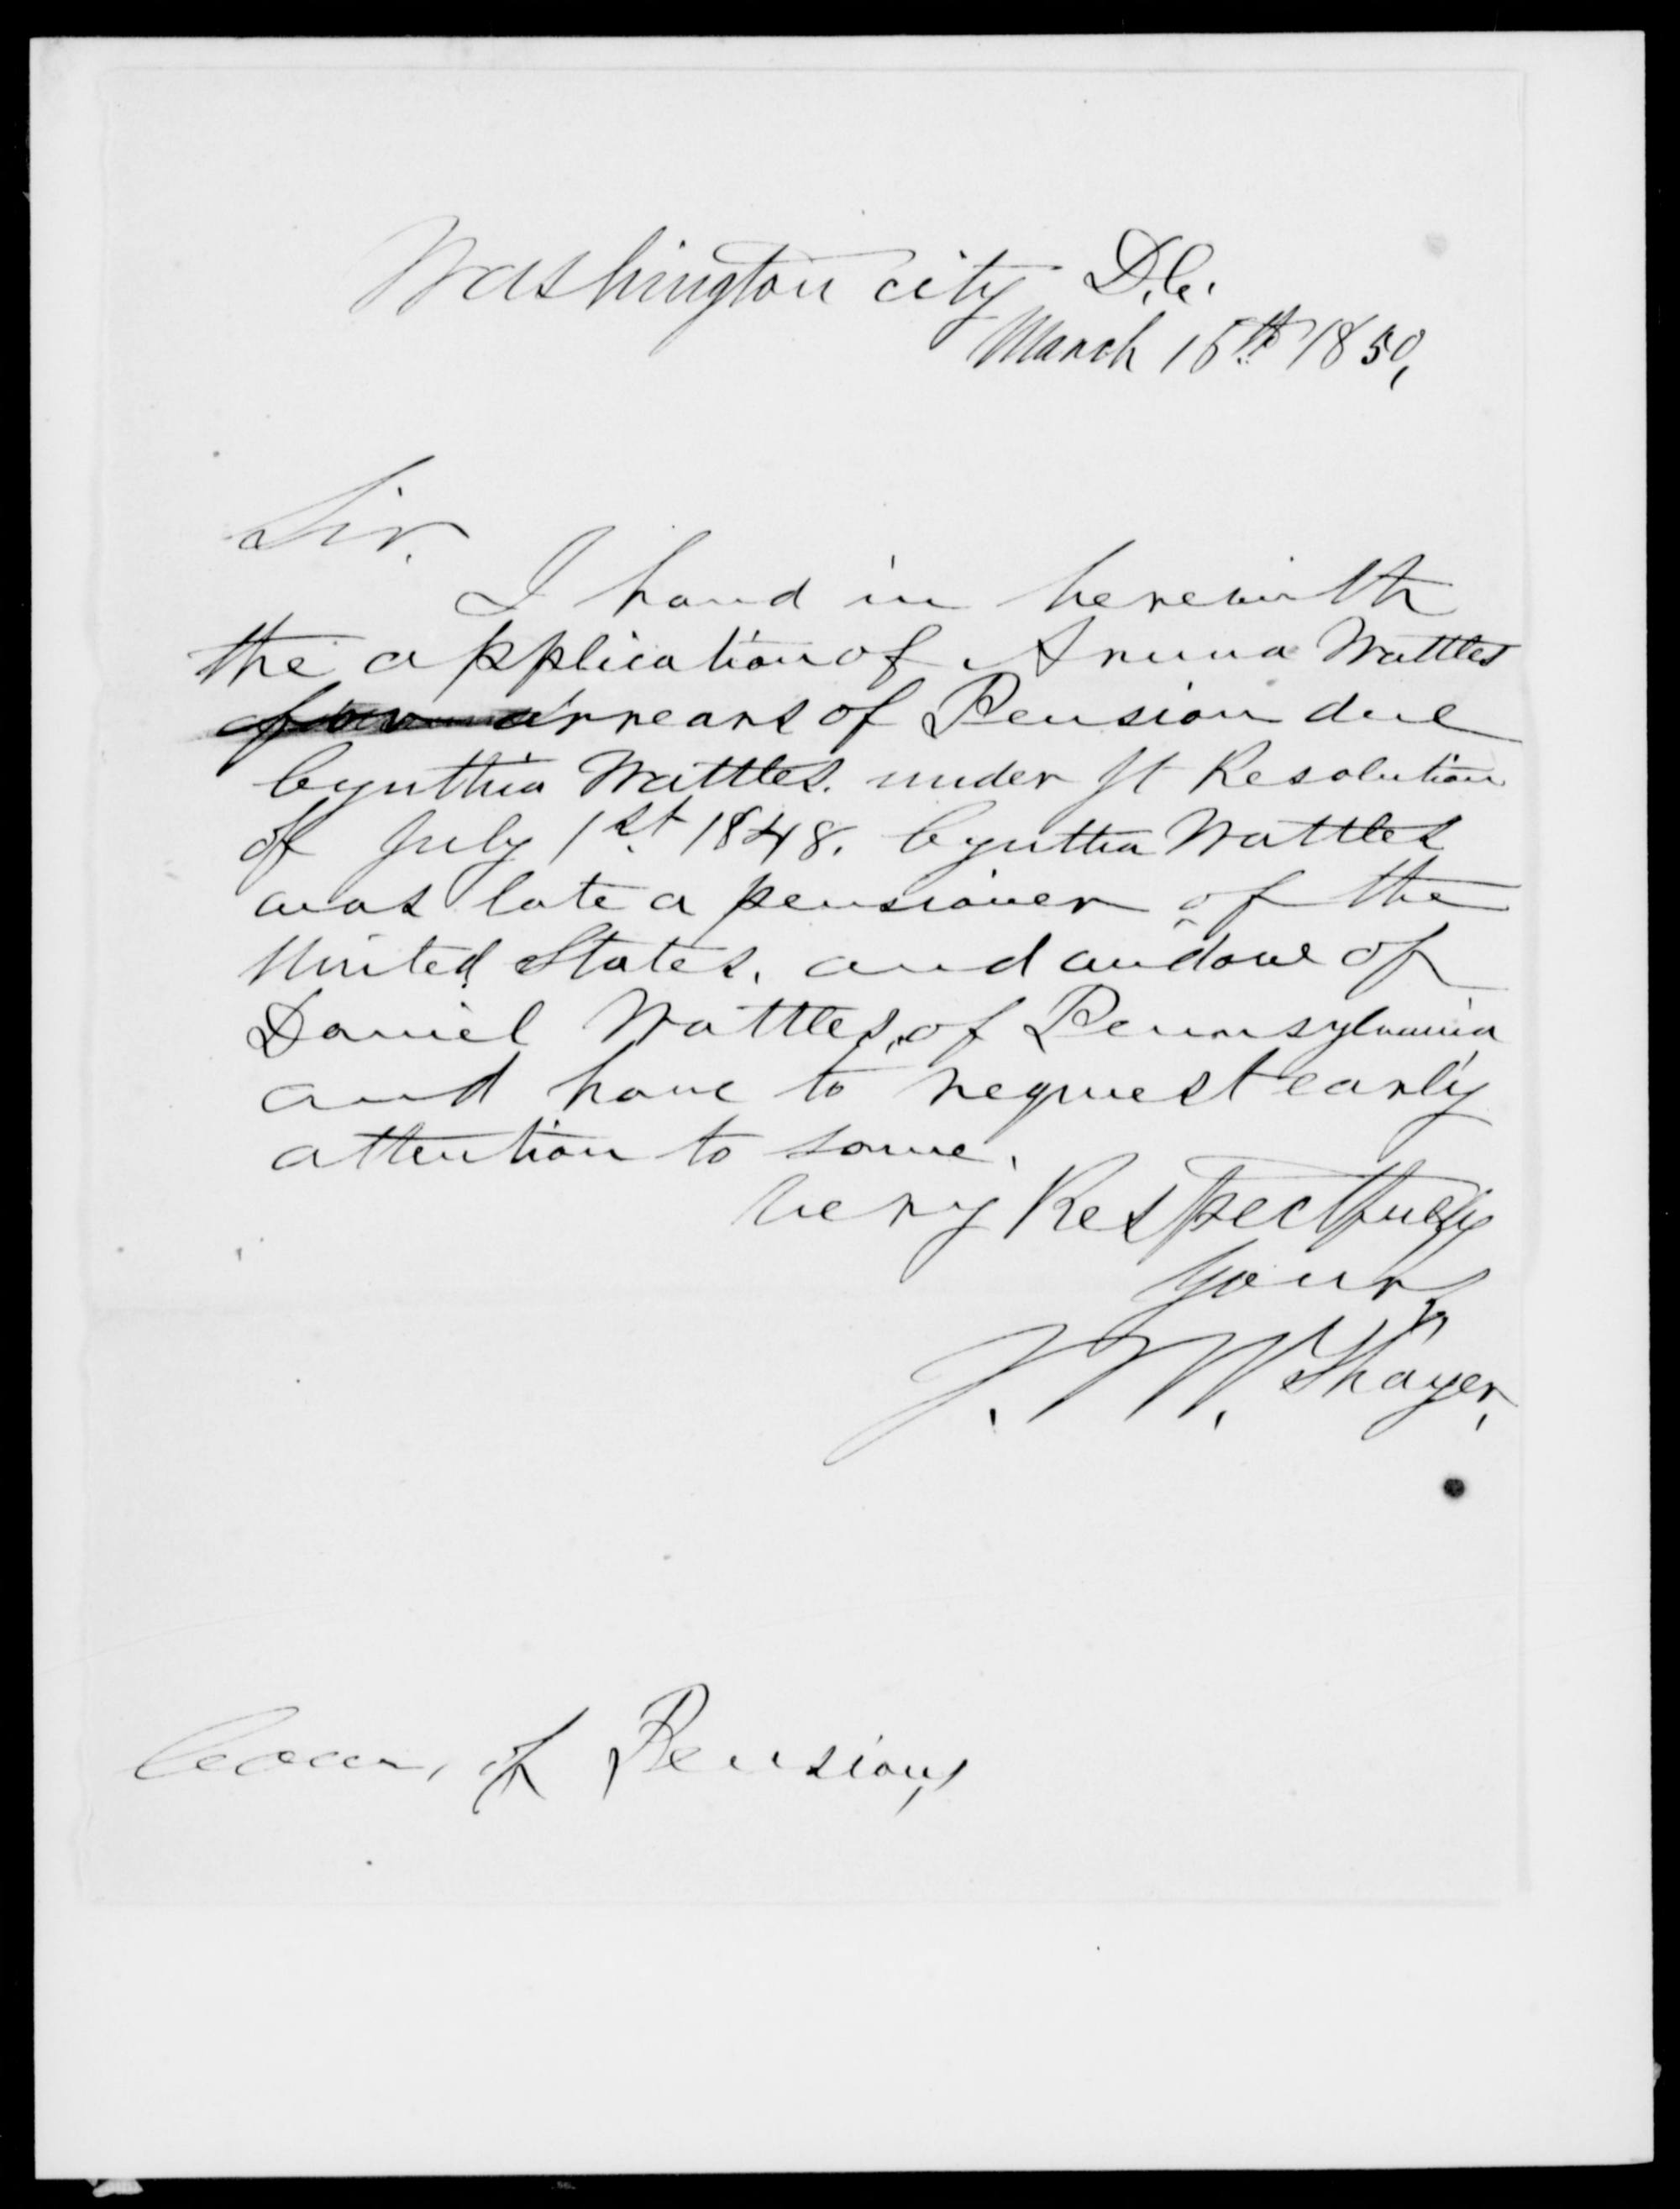Washington City D. C.
March 16th 1850

Sir,

I hand in herewith the application of Anna Wattles for arrears of Pension due Cynthia Wattles under [  ] Resolution of July 1st 1848.  Cynthia Wattles was late a pensioner of the United States and widow of Daniel Wattles of Pennsylvania and have to request early attention to same.

Very Respectfully 
Yours
J. M Thayer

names: Arunah Wattles, J M Thayer, Daniel Wattles, Cynthia Wattles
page: 29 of 70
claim: widow's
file: W. 3743, Dan Wattles, Conn.